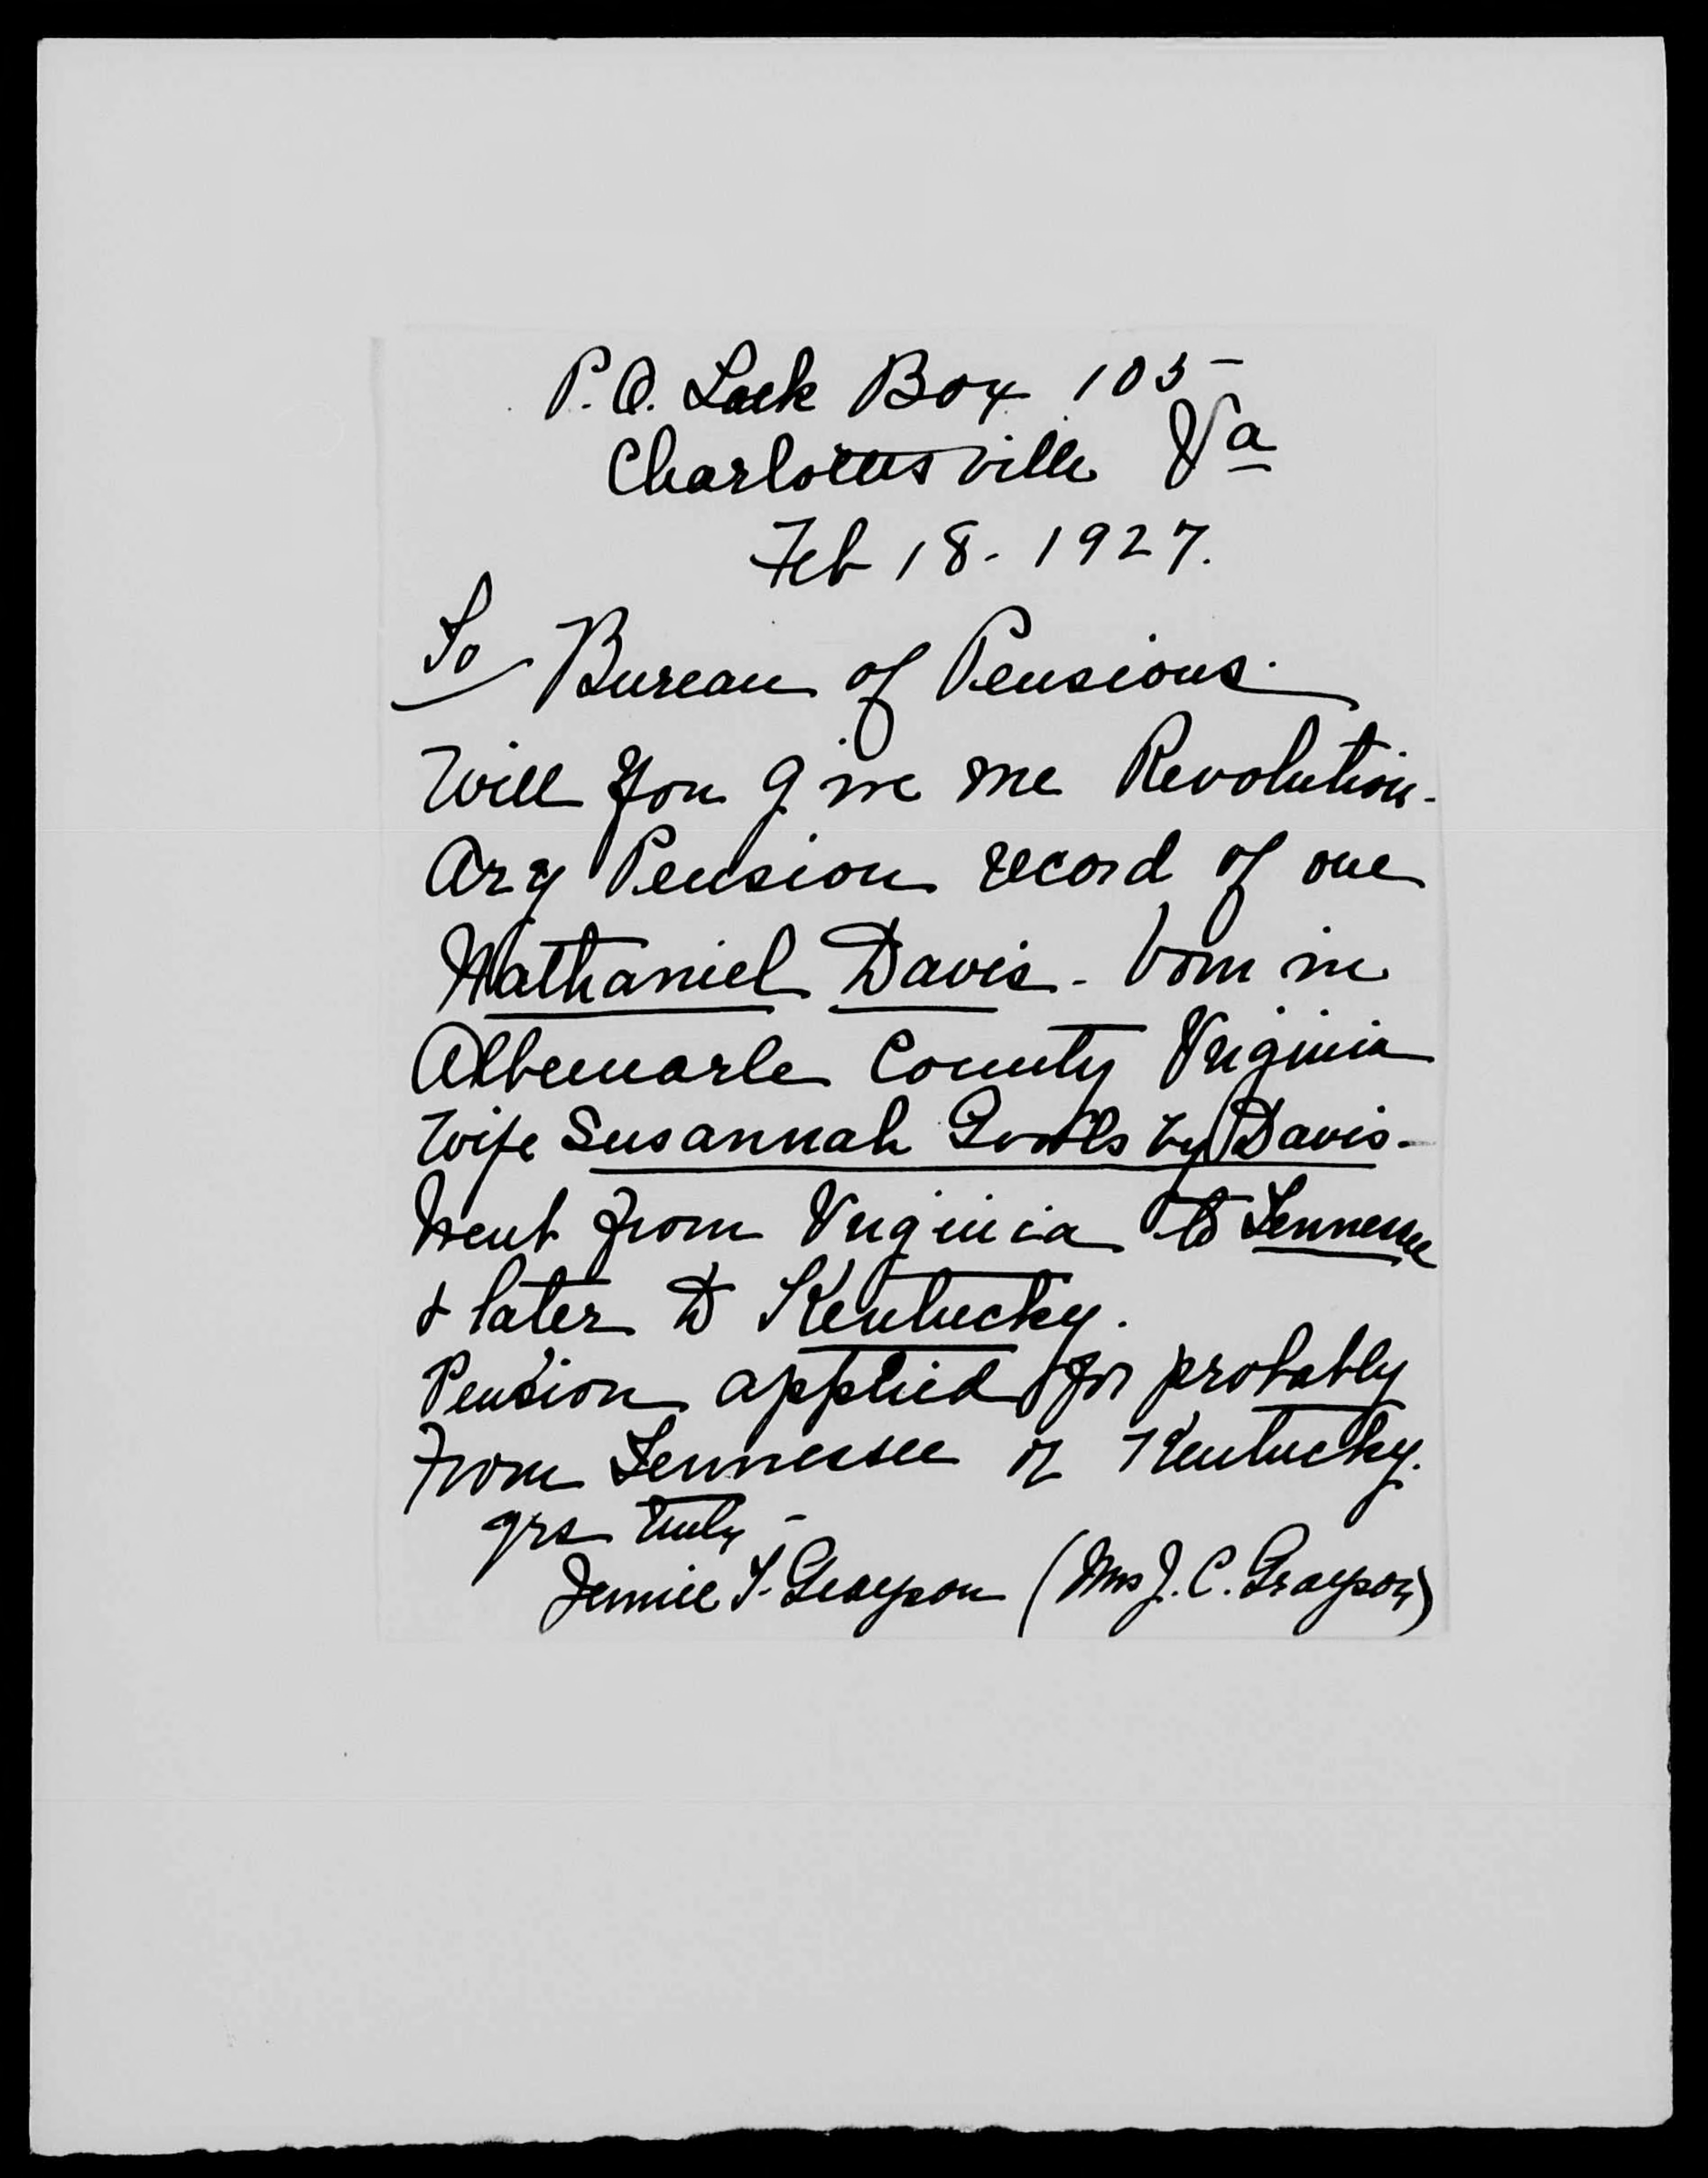P.O. Lack Box 105
Charlottesville VA
Feb 18, 1927

To Bureau of Pensions

Will give me Revolutionary
Pension record of one
Nathaniel Davis born in
Albemarle County Virginia
wife Susannah Goods by Davis
Went from Virginia to Tennessee
& later to Kentucky
Pension applied for probably
from Tennessee or Kentucky
yrs truly
Janice T. Grayson (Mrs J.C. Grayson)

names: Susannah Gools, J C Grayson, Janice T Grayson, Davis, Nathaniel Davis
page: 17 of 18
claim: survivor's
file: S. 30,366, Nathaniel Davis, N.C. Va.